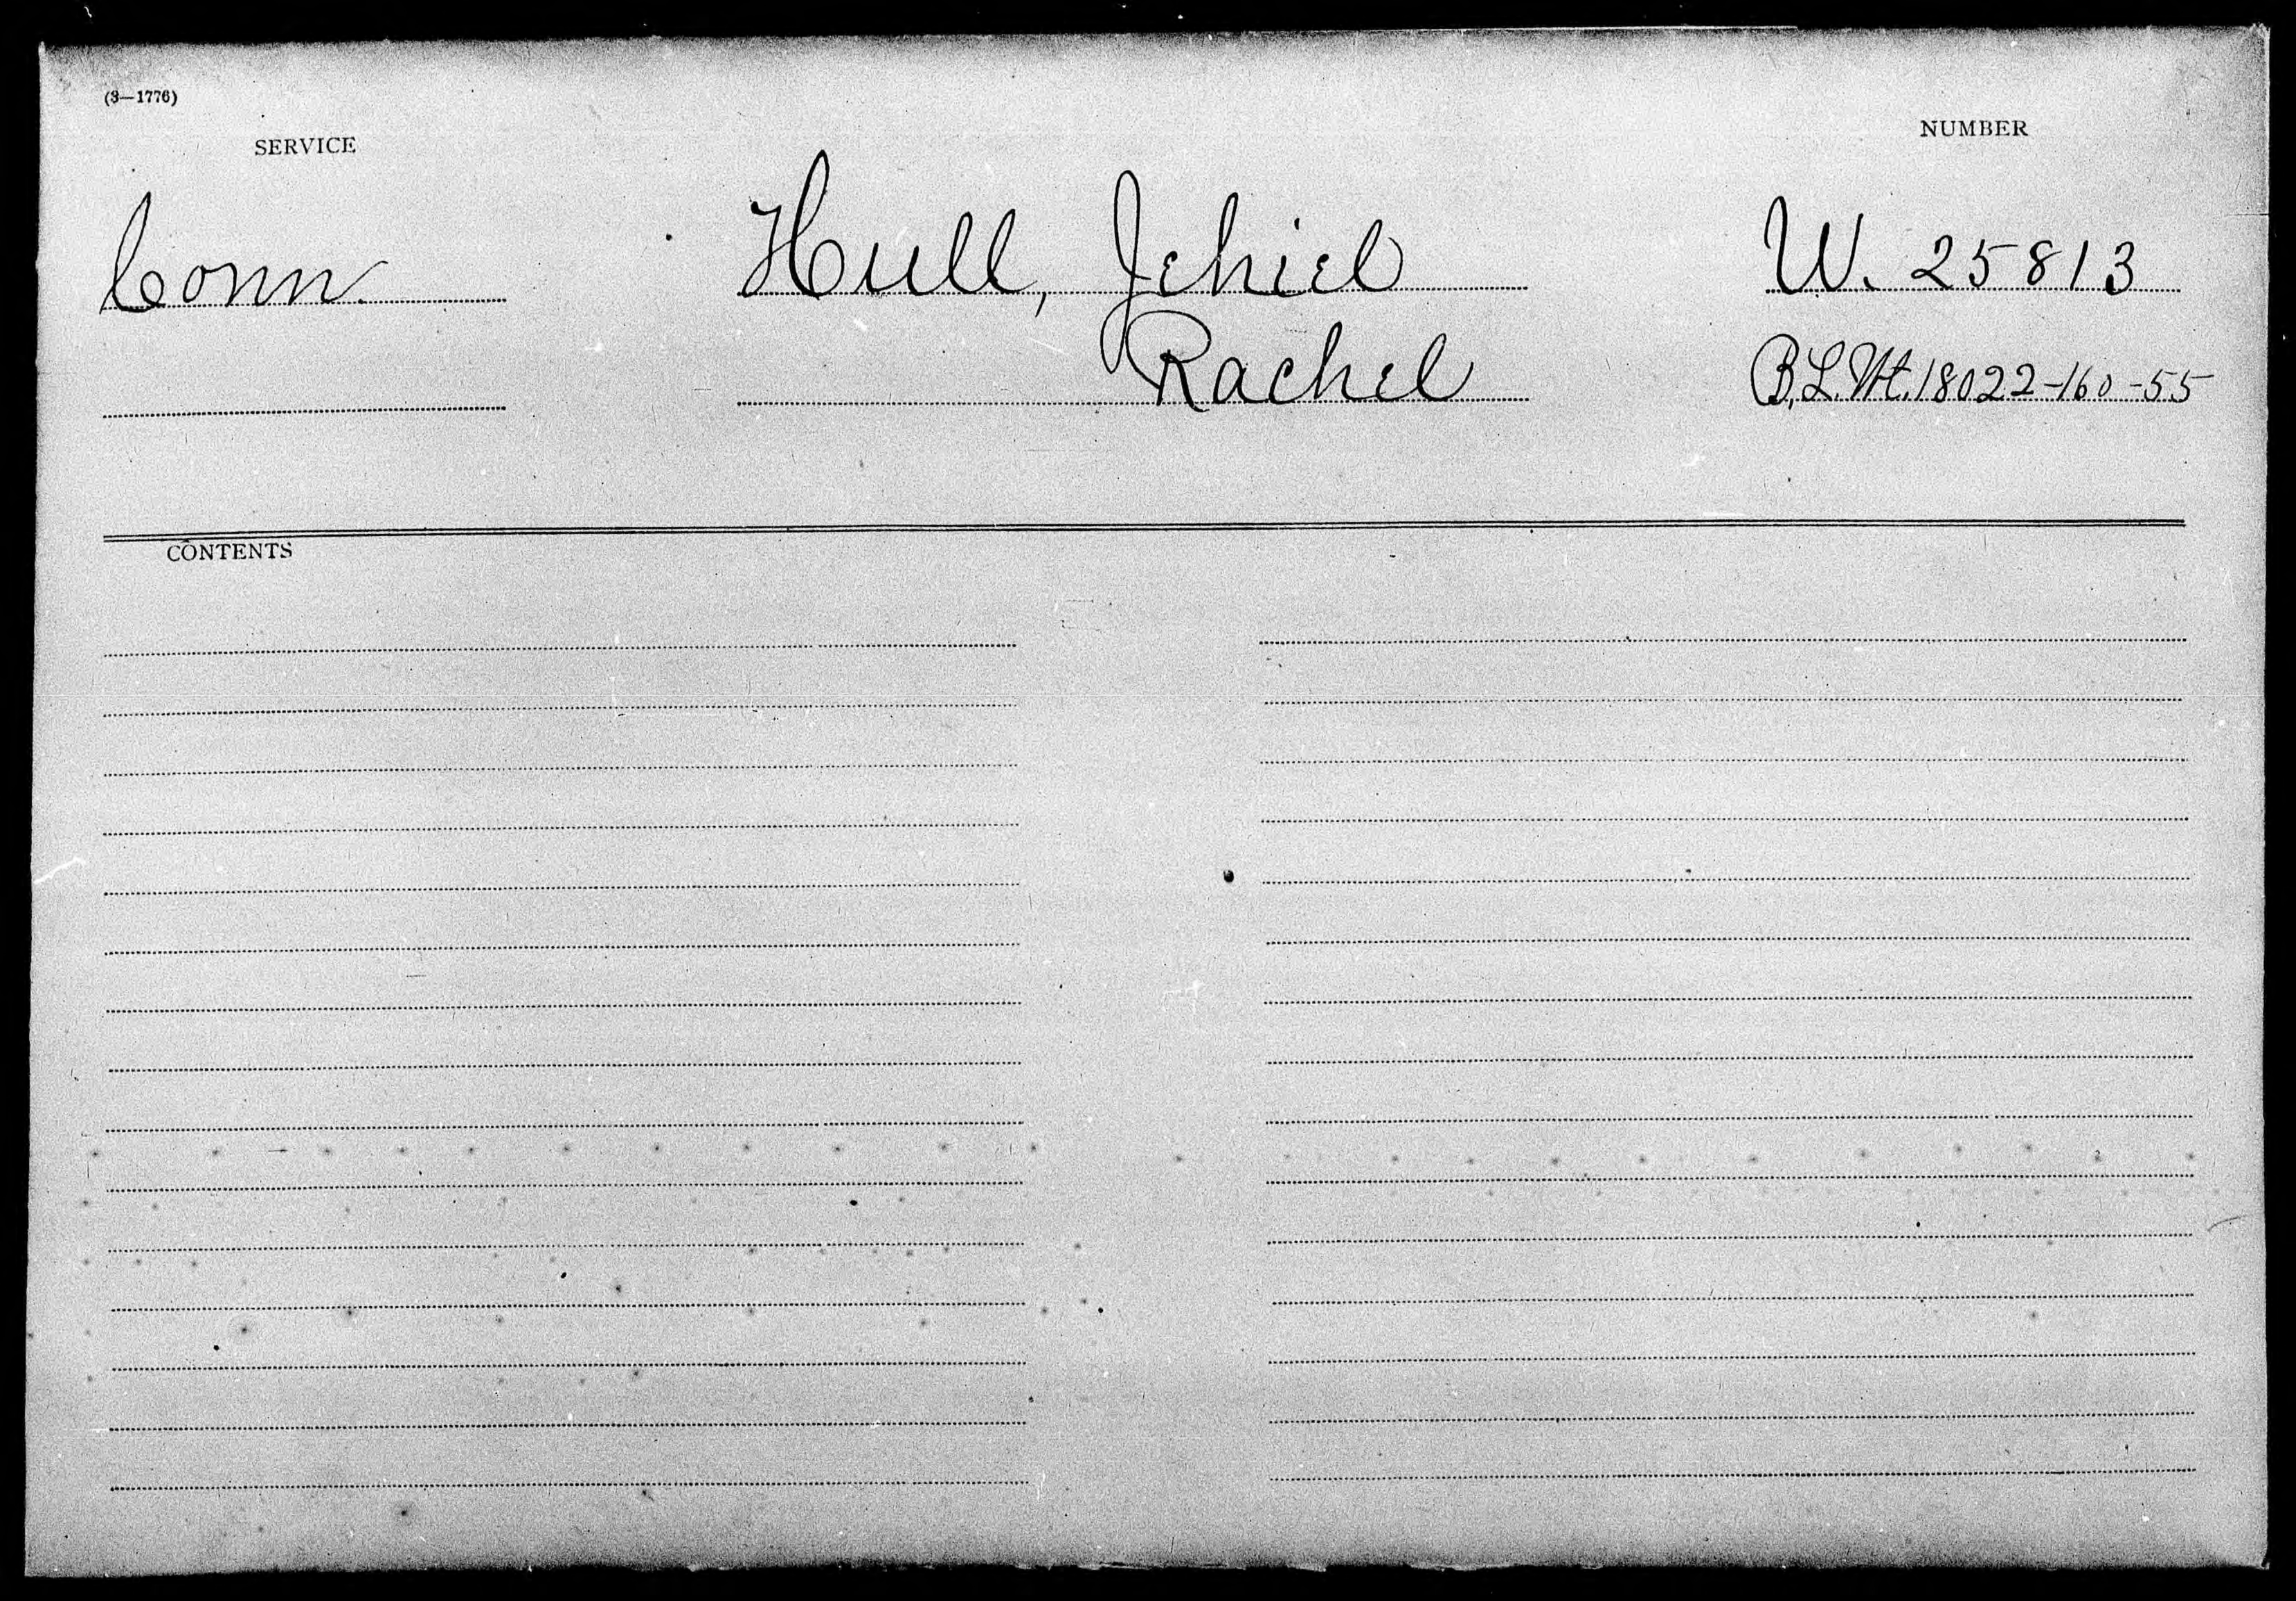Conn 	Hull, Jehiel	W. 25813
	Rachel	B.L.H.18022-160-55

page: 1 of 58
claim: widow's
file: W. 25813, Jehiel Hull, Conn.